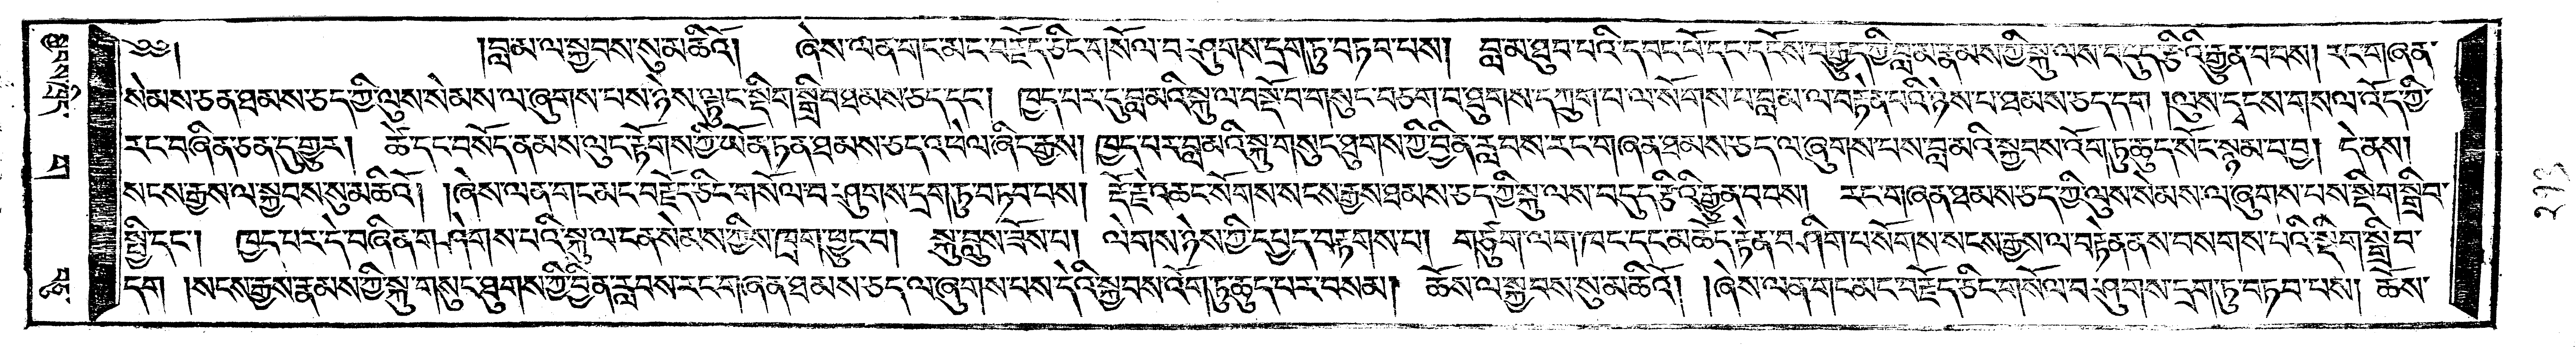༄༅། །བླ་མ་ལ་སྐྱབས་སུ་མཆིའོ། ཞེས་ལན་གང་མང་བརྗོད་ཅིང་གསལ་བ་ཤུགས་དྲག་ཏུ་བཏབ་བས། བླ་མ་ཐུབ་པའི་དབང་པོ་དང་དངོས་བརྒྱུད་ཀྱི་བླ་མ་རྣམས་ཀྱི་སྐུ་ལས་བདུད་རྩིའི་རྒྱུན་བབས། རང་གཞན་
སེམས་ཅན་ཐམས་ཅད་ཀྱི་ལུས་སེམས་ལ་ཞུགས་པས་ཉེས་ལྟུང་སྡིག་སྒྲིབ་ཐམས་ཅད་དང་། ཁྱད་པར་དུ་བླ་མའི་སྐུ་ལ་བསྡོ་བ་གསུང་བཅག་པ་ཐུགས་དཀྲུག་པ་ལ་སོགས་པ་བླ་མ་ལ་བརྟེན་པའི་ཉེས་པ་ཐམས་ཅད་དག །ལུས་དྭངས་གསལ་འོད་ཀྱི་
རང་བཞིན་ཅན་དུ་གྱུར། ཚེ་དང་བསོད་ནམས་ལུང་རྟོགས་ཀྱི་ཡོན་ཏན་ཐམས་ཅད་འཕེལ་ཞིང་རྒྱས། ཁྱད་པར་བླ་མའི་སྐུ་གསུང་ཐུགས་ཀྱི་བྱིན་རླབས་རང་གཞན་ཐམས་ཅད་ལ་ཞུགས་པས་བླ་མའི་སྐྱབས་འོག་ཏུ་ཆུད་སོང་སྙམ་བ་བྱ། དེ་ནས།
སངས་རྒྱས་ལ་སྐྱབས་སུ་མཆིའོ། །ཞེས་ལན་གང་མང་བརྗོད་ཅིང་གསོལ་བ་ཤུགས་དྲག་ཏུ་བཏབ་པས། རྡོ་རྗེ་འཆང་སོགས་སངས་རྒྱས་ཐམས་ཅད་ཀྱི་སྐུ་ལས་བདུད་རྩིའི་རྒྱུན་བབས། རང་གཞན་ཐམས་ཅད་ཀྱི་ལུས་སེམས་ལ་ཞུགས་པས་སྡིག་སྒྲིབ་
སྤྱི་དང་། ཁྱད་པར་དེ་བཞིན་གཤེགས་པའི་སྐུ་ལ་ངན་སེམས་ཀྱིས་ཁྲིག་བྱུང་བ། སྐུ་བླུས་ཟོས་པ། ལེགས་ཉེས་ཀྱི་དཔྱད་བརྟགས་པ། གཙུག་ལག་ཁང་དང་མཆེད་རྟེན་བཤིག་པ་སོགས་སངས་རྒྱས་ལ་བརྟེན་ནས་བསགས་པའི་སྡིག་སྒྲིབ་
དག །སངས་རྒྱས་རྣམས་ཀྱི་སྐུ་གསུང་ཐུགས་ཀྱི་བྱིན་རླབས་རང་གཞན་ཐམས་ཅད་ལ་ཞུགས་པས་དེའི་སྐྱབས་འོག་ཏུ་ཆུད་པར་བསམ། ཆོས་ལ་སྐྱབས་སུ་མཆིའོ། །ཞེས་ལན་གང་མང་བརྗོད་ཅིང་གསོལ་བ་ཤུགས་དྲག་ཏུ་བཏབ་པས། ཆོས་